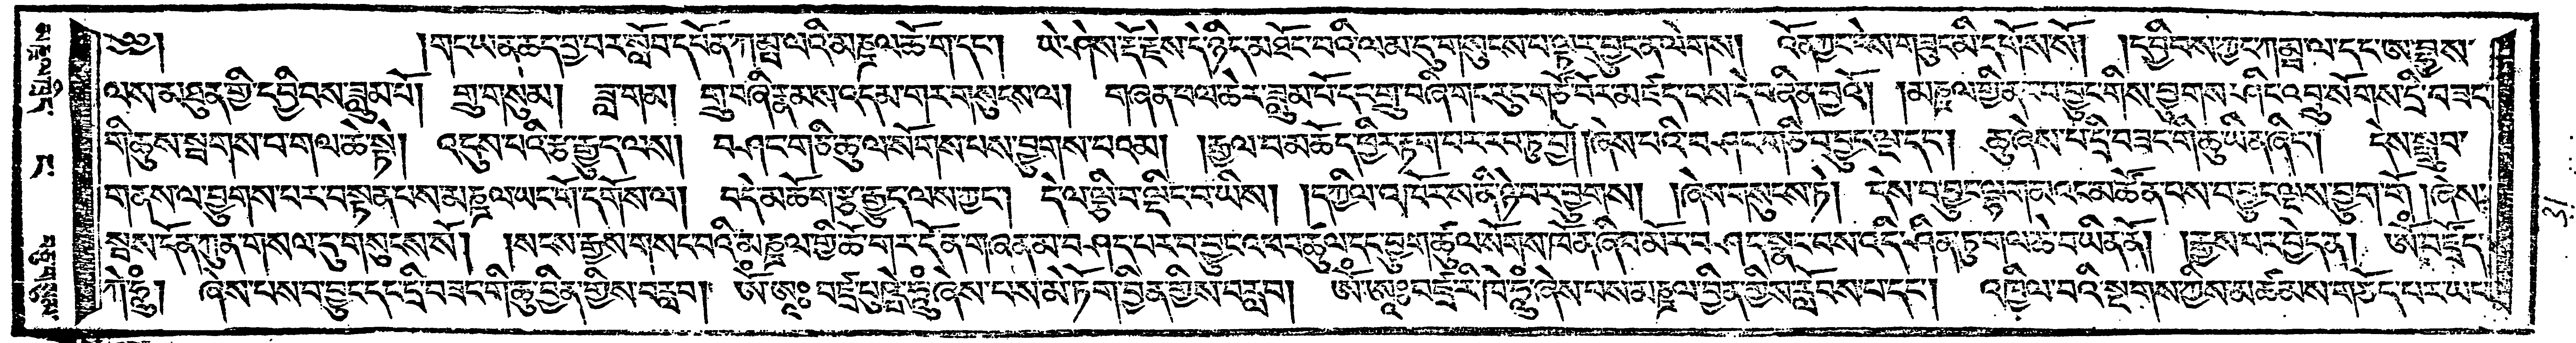༄༅། །གང་ཡན་ཆད་བྱ་བར་སློབ་དཔོན་ཀམྤ་ལའི་མཎྜལ་ཆོ་ག་དང་། ཡེ་ཤེས་རྡོ་རྗེས་དེ་ཉིད་མཐོང་པའི་ལམ་དུ་གསུངས་པ་ལྟར་བྱུང་ན་ལེགས། འོན་ཀྱང་ངེས་གཟུང་མི་དགོས་སོ། །དབྱིབས་ཀྱང་ཀམྦ་ལ་དང་ཨ་བྷྱས་
ལས་མཐུན་གྱི་དབྱིབས་ཟླུམ་བོ། གྲུ་གསུམ། ཟླ་གམ། གྲུ་བཞི་རྣམས་འདམ་གར་གསུངས་ལ། གཞན་ཕལ་ཆེར་ཟླུམ་པོ་དང་གྲུ་བཞི་གང་རུང་གཙོ་བོར་མཛད་པས་དེ་བཞིན་བྱའོ། །མཎྜལ་གྱི་ནང་བ་བྱུང་གིས་བྱུགས་ཤིང་འབྲུ་སོགས་དྲི་བཟང་
གི་ཆུས་སྤགས་པ་གལ་ཆེ་སྟེ། འདུས་པའི་རྩ་རྒྱུད་ལས། བཤང་གཅི་ཆུ་ལ་སོགས་པས་བྱུགས་པའམ། །རྒྱལ་བ་མཆོད་ཕྱིར་རྟག་བར་རབ་ཏུ་བྱ། །ཞེས་པའི་བཤང་གཅི་བ་བྱུང་ལྔ་དང་། ཆུ་ཞེས་པ་དྲི་བཟང་གི་ཆུ་ཡིན་ཞིང་། དེས་སྒྲུབ་
གནས་ལ་བྱུགས་པར་བསྟན་པས་མྞྜལ་ཡང་གོ་དགོས་ལ། བདེ་མཆོག་རྩ་རྒྱུད་ལས་ཀྱང་། དེལ་ལྕི་བ་ལྡིང་བ་ཡིས། །དཀྱིལ་འཁོར་ས་ནི་ཉེ་བར་བྱུགས། །ཞེས་གསུངས་ཏེ། དེས་བ་བྱུང་ལྷག་མའང་མཚོན་པས་བ་བྱུང་ལྔས་བྱུག་གོ །ཞེས་
སྦས་དོན་ཀུན་གསལ་དུ་གསུངས་སོ། །སངས་རྒྱས་གསང་བའི་མཎྜལ་གྱི་ཆོ་གར་དོན་གཞན་མ་བཤད་པར་བ་བྱུང་འཕབ་ཚུལ་དང་བྱུག་ཚུལ་སོགས་ཁོན་ཞིབ་མོར་བཤད་སྣང་བས་འདི་ཤིན་ཏུ་གལ་ཆེ་བ་ཡིན་ནོ། །རྒྱས་པར་བྱེད་ན། ཨོཾ་བཛྭོད་
ཀེ་ཧཱུཾ། ཞེས་པས་བ་བྱུང་དང་དྲི་བཟང་གི་ཆུ་བྱིན་གྱིས་བརླབ། ཨོཾ་ཨཱཿབཛྲ་པུཥྤེ་ཧཱུཾ་ཞེས་པས་མེ་ཏོག་བྱིན་གྱིས་བརླབ། ཨོཾ་ཨཱཿབཛྲ་རི་ཁེ་ཧཱུཾ་ཞེས་པས་མཎྜལ་བྱིན་གྱིས་རློབས་པ་དང་། འཁྱིལ་བའི་སྔགས་ཀྱིས་མཚམས་གཅོད་པར་ཡང་